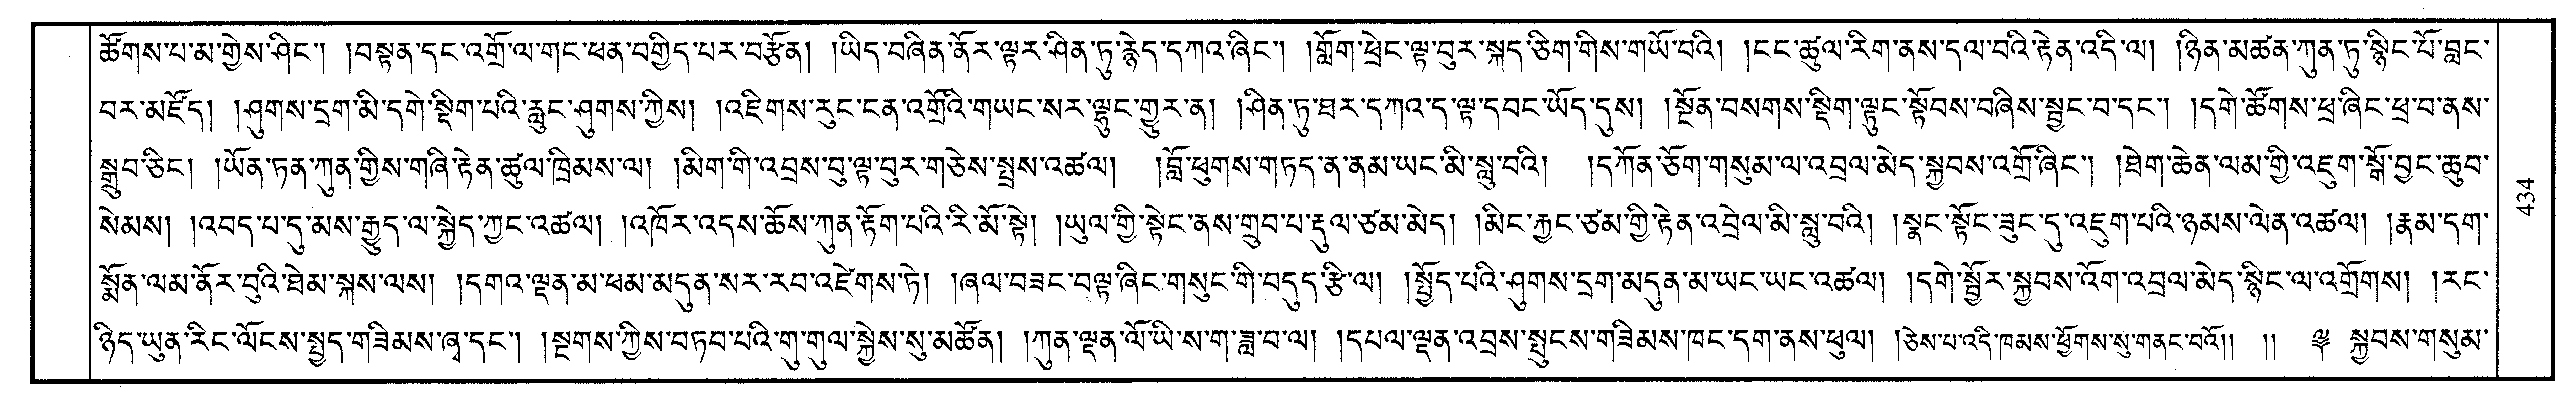ཚོགས་པ་མ་གྱེས་ཤིང་། །བསྟན་དང་འགྲོ་ལ་གང་ཕན་བགྱིད་པར་བརྩོན། །ཡིད་བཞིན་ནོར་ལྟར་ཤིན་ཏུ་རྙེད་དཀའ་ཞིང་། །གློག་ཕྲེང་ལྟ་བུར་སྐད་ཅིག་གིས་གཡོ་བའི། །ངང་ཚུལ་རིག་ནས་དལ་བའི་རྟེན་འདི་ལ། །ཉིན་མཚན་ཀུན་ཏུ་སྙིང་པོ་བླང་
བར་མཛོད། །ཤུགས་དྲག་མི་དགེ་སྡིག་པའི་རླུང་ཤུགས་ཀྱིས། །འཇིགས་རུང་ངན་འགྲོའི་གཡང་སར་ལྷུང་གྱུར་ན། །ཤིན་ཏུ་ཐར་དཀའ་ད་ལྟ་དབང་ཡོད་དུས། །སྔོན་བསགས་སྡིག་ལྟུང་སྟོབས་བཞིས་སྦྱང་བ་དང་། །དགེ་ཚོགས་ཕྲ་ཞིང་ཕྲ་བ་ནས་
སྒྲུབ་ཅིང་། །ཡོན་ཏན་ཀུན་གྱིས་གཞི་རྟེན་ཚུལ་ཁྲིམས་ལ། །མིག་གི་འབྲས་བུ་ལྟ་བུར་གཅེས་སྤྲས་འཚལ། །བློ་ཕུགས་གཏད་ན་ནམ་ཡང་མི་སླུ་བའི། །དཀོན་ཅོག་གསུམ་ལ་འབྲལ་མེད་སྐྱབས་འགྲོ་ཞིང་། །ཐེག་ཆེན་ལམ་གྱི་འཇུག་སྒོ་བྱང་ཆུབ་
སེམས། །འབད་པ་དུ་མས་རྒྱུད་ལ་སྐྱེད་ཀྱང་འཚལ། །འཁོར་འདས་ཆོས་ཀུན་རྟོག་པའི་རི་མོ་སྟེ། །ཡུལ་གྱི་སྟེང་ནས་གྲུབ་པ་རྡུལ་ཙམ་མེད། །མིང་རྐྱང་ཙམ་གྱི་རྟེན་འབྲེལ་མི་སླུ་བའི། །སྣང་སྟོང་ཟུང་དུ་འཇུག་པའི་ཉམས་ལེན་འཚལ། །རྣམ་དག་
སྨོན་ལམ་ནོར་བུའི་ཐེམ་སྐས་ལས། །དགའ་ལྡན་མ་ཕམ་མདུན་སར་རབ་འཛེགས་ཏེ། །ཞལ་བཟང་བལྟ་ཞིང་གསུང་གི་བདུད་རྩི་ལ། །སྤྱོད་པའི་ཤུགས་དྲག་མདུན་མ་ཡང་ཡང་འཚལ། །དགེ་སྦྱོར་སྐྱབས་འོག་འབྲལ་མེད་སྙིང་ལ་འགྲོགས། །རང་
ཉིད་ཡུན་རིང་ལོངས་སྤྱད་གཟིམས་ཞྭ་དང་། །སྔགས་ཀྱིས་བཏབ་པའི་གུ་གུལ་སྐྱེས་སུ་མཚོན། །ཀུན་ལྡན་ལོ་ཡི་ས་ག་ཟླ་བ་ལ། །དཔལ་ལྡན་འབྲས་སྤུངས་གཟིམས་ཁང་དག་ནས་ཕུལ། །ཅེས་པ་འདི་ཁམས་ཕྱོགས་སུ་གནང་བའོ།། །། ༈ སྐྱབས་གསུམ་